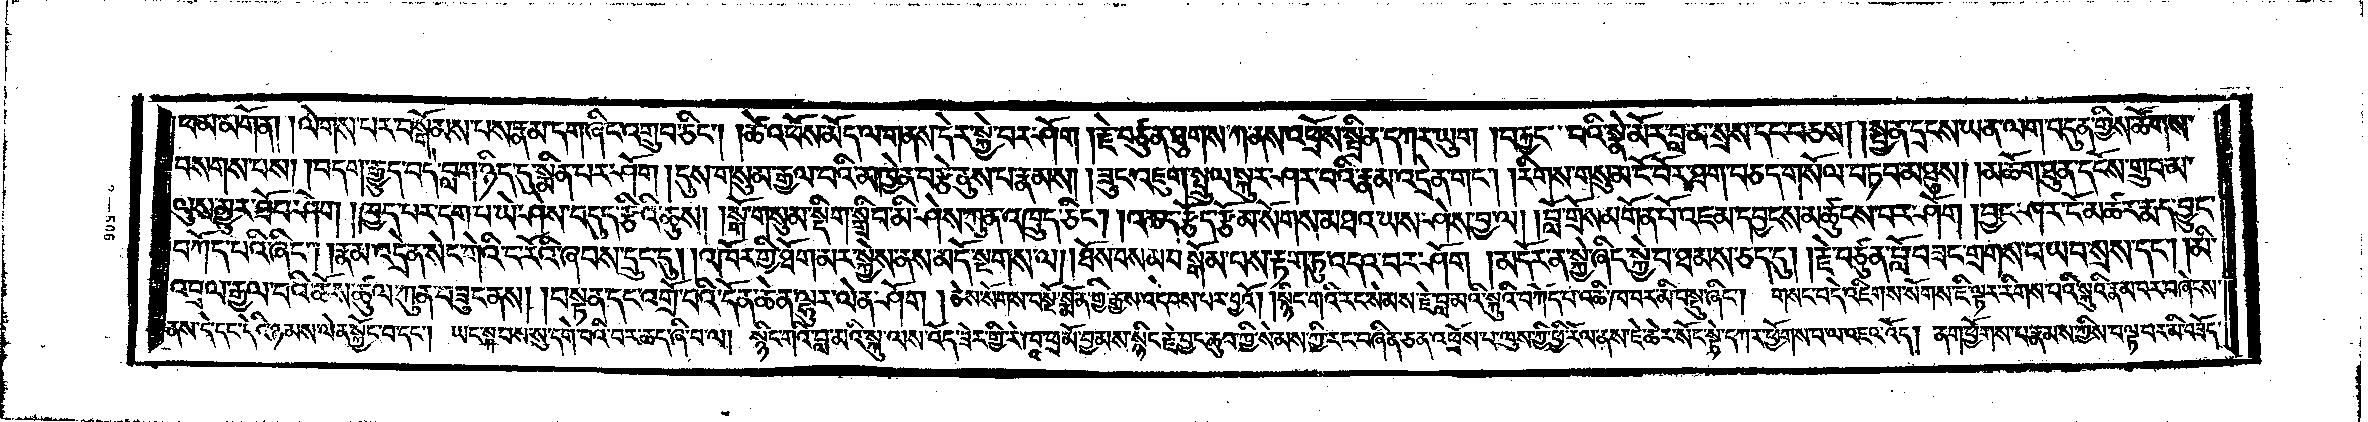ཕམ་མགོན། །ལེགས་པར་བསྒོམས་པས་རྣམ་དག་ཞིང་འགྲུབ་ཅིང་། །ཚེ་འཕོས་མོད་ལ་གནས་དེར་སྐྱེ་བར་ཤོག །རྗེ་བཙུན་ཐུགས་ཀ་ནས་འཕྲོས་སྤྲིན་དཀར་ཡུག །བརྐྱང་བའི་སྣེ་མོར་བླ་མ་སྲས་དང་བཅས། །སྤྱན་དྲངས་ཡན་ལག་བདུན་གྱིས་ཚོགས་
བསགས་པས། །བདག་རྒྱུད་བདེ་བླག་ཉིད་དུ་སྨིན་པར་ཤོག །དུས་གསུམ་རྒྱལ་བའི་མཁྱེན་བརྩེ་ནུས་པ་རྣམས། །ཟུང་འཇུག་སྤྲུལ་སྐུར་ཤར་བའི་རྣམ་འདྲེན་གང་། །རིགས་གསུམ་ངོ་བོར་ཐག་བཅད་གསོལ་བཏབ་མཐུས། །མཆོག་ཐུན་དངོས་གྲུབ་མ་
ལུས་མྱུར་ཐོབ་ཤེག །ཁྱད་པར་དག་པ་ཡེ་ཤེས་བདུད་རྩིའི་ཆུས། །སྒོ་གསུམ་སྡིག་སྒྲིབ་མི་ཤེས་ཀུན་འཁྲུད་ཅིང་། །འཆད་རྩོད་རྩོམ་སོགས་མཐའ་ཡས་ཤེས་བྱ་ལ། །བློ་གྲོས་མགོན་པོ་འཇམ་དབྱངས་མཚུངས་པར་ཤོག །བྱང་ཤར་ངོ་མཚར་རྨད་བྱུང་
བཀོད་པའི་ཞིང་། །རྣམ་འདྲེན་སེང་གེའི་ང་རོའི་ཞབས་དྲུང་དུ། །འཁོར་གྱི་ཐོག་མར་སྐྱེས་ནས་མདོ་སྔགས་ལ། །ཐོས་བསམ་བསྒོམ་པས་རྟག་ཏུ་འདའ་བར་ཤོག །མདོར་ན་སྐྱེ་ཞིང་སྐྱེ་བ་ཐམས་ཅད་དུ། །རྗེ་བཙུན་བློ་བཟང་གྲགས་པ་ཡབ་སྲས་དང་། །མི་
འབྲལ་རྒྱལ་བའི་ཆོས་ཚུལ་ཀུན་བཟུང་ནས། །བསྟན་དང་འགྲོ་བའི་དོན་ཆེན་ལྷུར་ལེན་ཤོག །ཅེས་སོགས་བསྔོ་སྨོན་གྱི་རྒྱས་འདེབས་པར་བྱའོ། །སྙིང་གའི་རང་སེམས་རྗེ་བླ་མའི་སྐུའི་བཀོད་པ་འཆི་ཁ་བར་མི་བསྡུ་ཞིང་། གསང་བདེ་འཇིགས་སོགས་ཇི་ལྟར་རིགས་པའི་སྐུའི་རྣམ་བར་བཞེངས་
ནས་དེ་དང་དེའི་ཉམས་ལེན་སྐྱོང་བ་དང་། ཡང་སྐབས་སུ་དགེ་བའི་བར་ཆད་ཞི་བ་ལ། སྙིང་གའི་བླ་མའི་སྐུ་ལས་འོད་ཟེར་གྱི་རེ་ཁཱ་ཕྲ་མོ་བྱམས་སྙིང་རྗེ་བྱང་ཆུབ་ཀྱི་སེམས་ཀྱི་རང་བཞིན་ཅན་འཕྲོས་པ་ཁུས་ཀྱི་ཕྱི་རོལ་ནས་ཇེ་ཆེར་སོང་སྟེ་དཀར་ཕྱོགས་པ་ལ་འཇའ་འོད། ནག་ཕྱོགས་པ་རྣམས་ཀྱིས་བལྟ་བར་མི་བཟོད་